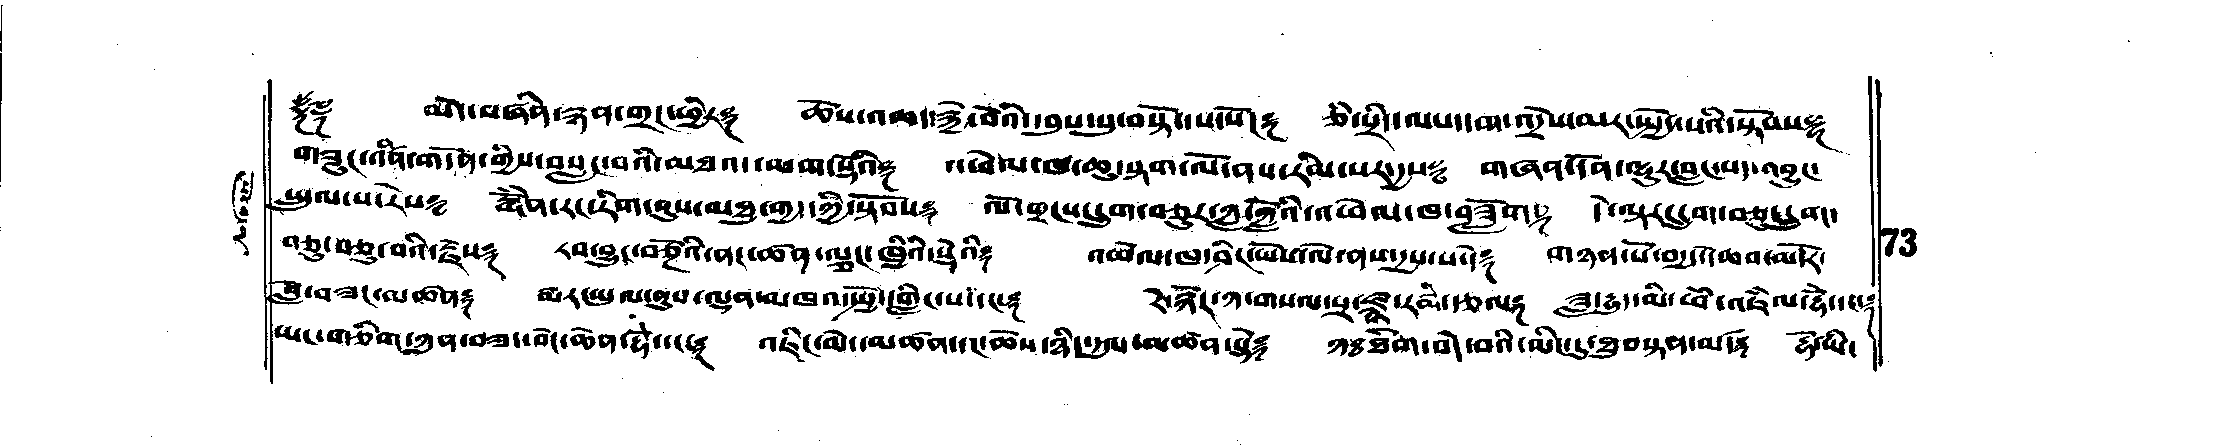མེད་བཞིན་སྙན་གྲགས་ཕྱིར། །ཆོས་འཆད་སྐྱེ་བོའི་དབུས་སུ་བསྟོད་པ་སོགས། །ཅི་སྲིད་ལས་དག་འདྲེས་མར་སྤྱོད་པའི་སྟོབས། །
གཟུང་འཛིན་གདོན་གྱིས་བསླང་བའི་མཐའ་དམག་སྡེའི། །འཕེལ་ཁ་ཆུ་སྟག་ལོ་ནས་རིམ་པར་རྒྱས། །གཞན་དོན་ལྷུར་བླང་པད་འབྱུང་
སྤྲུལ་པ་རེས། །སྨོན་ལམ་རང་རིག་ནུས་མཐུ་གྱད་ཀྱི་སྟོབས། །ལོ་གྲངས་དྲུག་ཅུར་ཀླ་ཀློའི་འཕེལ་ཁ་བཟློག །དེ་ལྟར་དྲུག་ཅུ་དྲུག་
ཅུ་བཅུ་བའི་རྗེས། །རབ་བྱུང་བཅོ་ལྔའི་ནང་ཚན་ལྕགས་ཁྱིའི་སྡེའི། །འཕེལ་ཁ་ཤིང་ཡོས་ལོ་ནས་རྒྱས་པ་དེ། །གཉན་པོ་བརྒྱད་དེ་ཆབ་མདོར་
བློ་བཟང་མཚན། །སྨར་ཡུལ་ནུས་ལྡན་མཁའ་སྤྱོད་གླིང་པ་དང་། །རེ་སྐོང་ཀ་གསལ་པྲཛྙ་རསྨི་རྩལ། །ཟླ་རྒྱུད་མི་ཕམ་འཇམ་དཔལ་རྡོ་རྗེ་དང་། །
ཡང་གཅིག་ཀུན་བཟང་བདེ་ཆེན་རྡོ་རྗེ་དང་། །འཇིགས་མེད་མཚན་དང་ཆོས་ཉིད་རྒྱལ་མཚན་སྡེ། །ཀཿཐོག་བདེ་བའི་མིང་དུ་ཐུབ་བསྟན་མཛད། །རྡོ་ཡི་